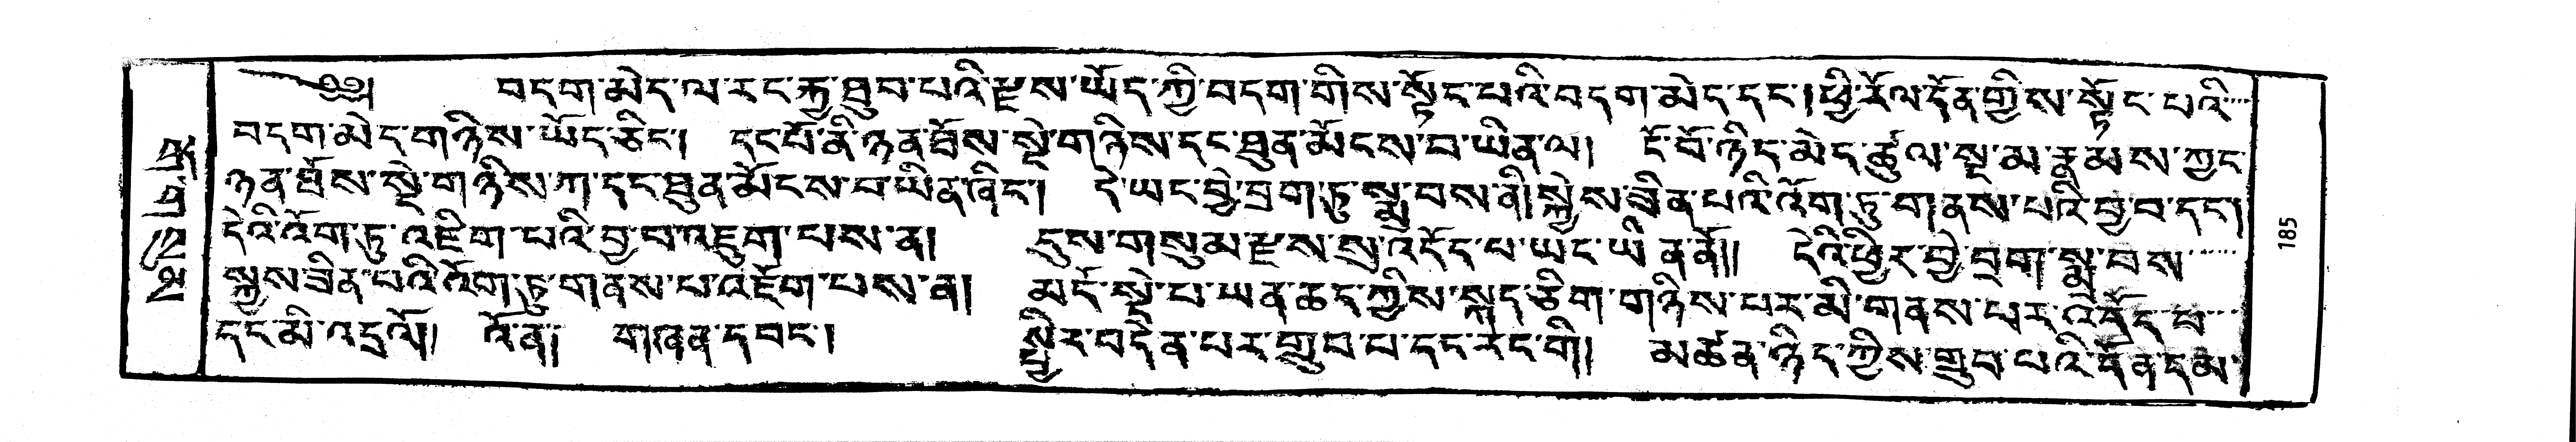༄༅། །བདག་མེད་ལ་རང་རྐྱ་ཐུབ་པའི་རྫས་ཡོད་ཀྱི་བདག་གིས་སྟོང་པའི་བདག་མེད་དང་། ཕྱི་རོལ་དོན་གྱིས་སྟོང་པའི་
བདག་མེད་གཉིས་ཡོད་ཅིང་། དང་པོ་ནི་ཉན་ཐོས་སྡེ་གཉིས་དང་ཐུན་མོངས་བ་ཡིན་ལ། ངོ་བོ་ཉིད་མེད་ཚུལ་སྔ་མ་རྣམས་ཀྱང་
ཉན་ཐོས་སྡེ་གཉིས་ཀ་དང་ཐུན་མོངས་པ་ཡིན་ཞིང་། དེ་ཡང་བྱེ་བྲག་ཏུ་སྨྲ་བས་ནི། སྐྱེས་ཟིན་པའི་འོག་ཏུ་གནས་པའི་བྱ་བ་དང་།
དེའི་འོག་ཏུ་འཇིག་པའི་བྱ་བ་འཇུག་པས་ན། དུས་གསུམ་རྫས་སུ་འདོད་པ་ཡང་ཡིན་ནོ། །དེའི་ཕྱིར་བྱེ་བྲག་སྨྲ་བས་
སྐྱས་ཟིན་པའི་འོག་ཏུ་གནས་པ་འཇོག་པས་ན། མདོ་སྡེ་པ་ཡན་ཆད་ཀྱིས་སྐད་ཅིག་གཉིས་པར་མི་གནས་པར་འདོད་པ་
དང་མི་འདྲའོ། འོ་ན། གཞན་དབང་། སྤྱིར་བདེན་པར་གྲུབ་པ་དང་རང་གི། མཚན་ཉིད་ཀྱིས་གྲུབ་པའི་དོན་དམ་